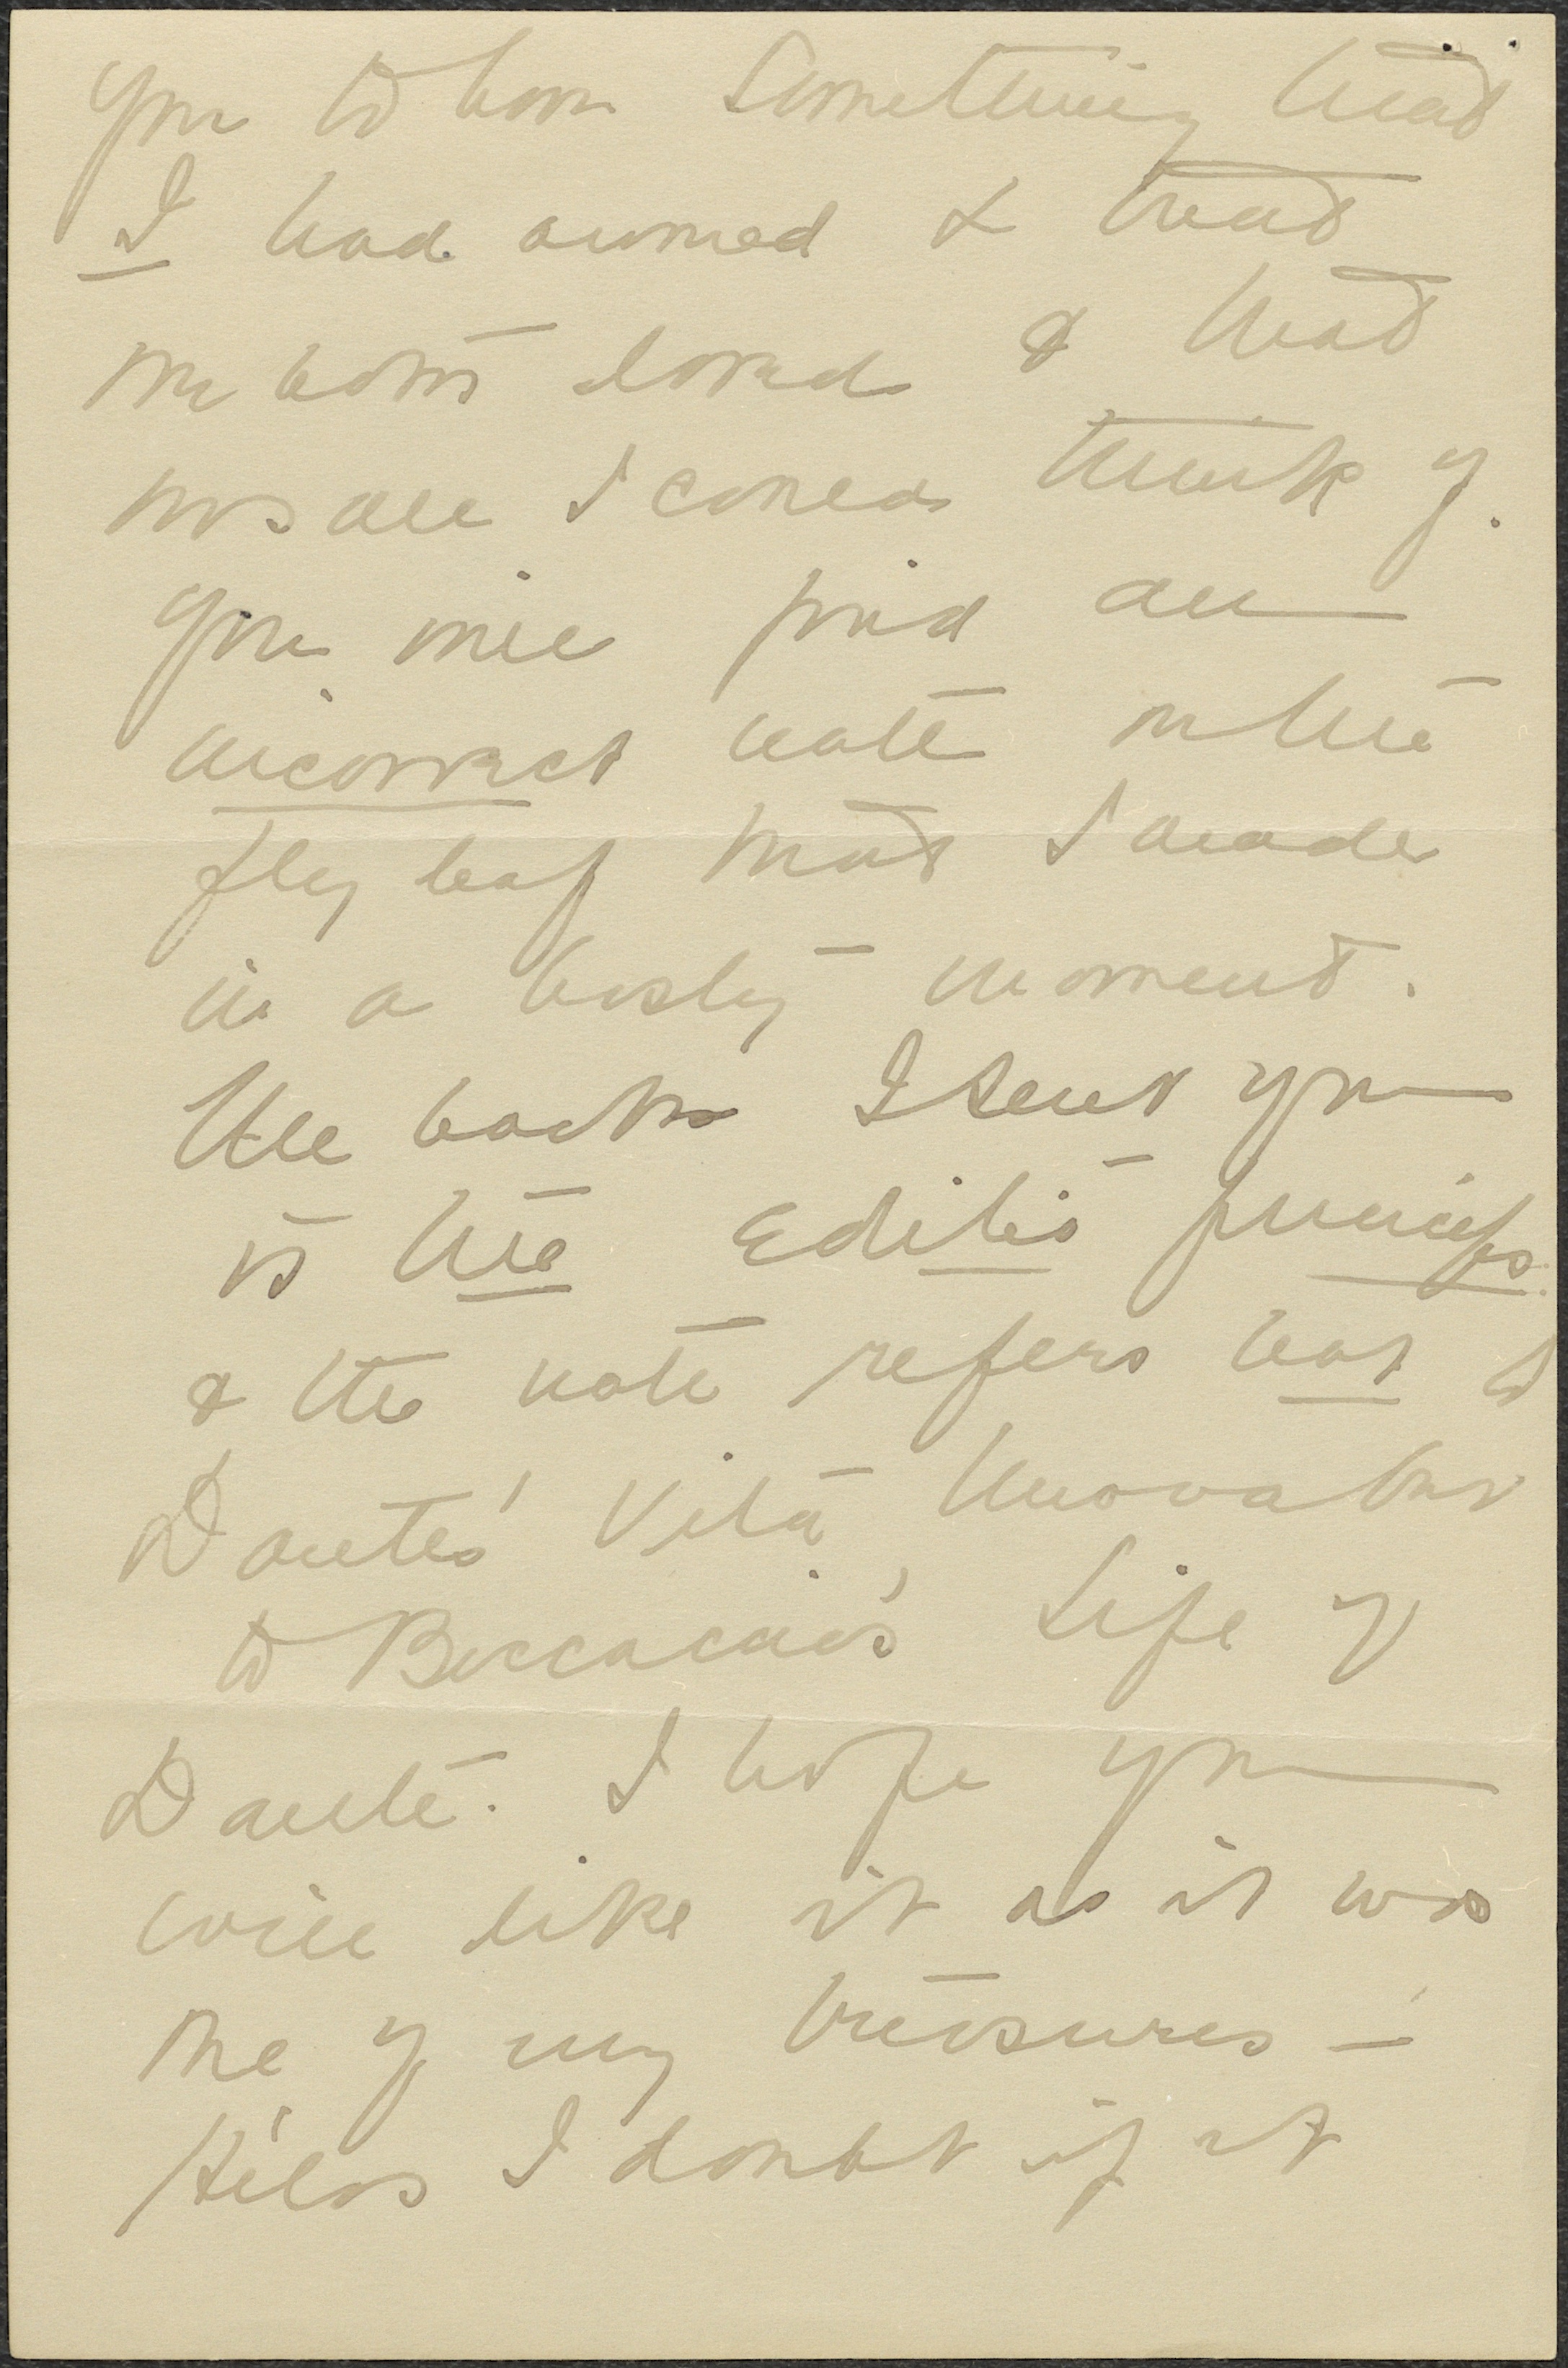you to have something that I had owned & that we both loved & that was all I could think of.
you will find an incorrect note on the fly leaf that I made in a hasty moment. The book I sent you is the editio princips & the note refers not to Dante’s Vita Nuova but to Boccaccio’s Life of Dante. I hope you will like it as it was one of my treasures – Hèlas I doubt if it